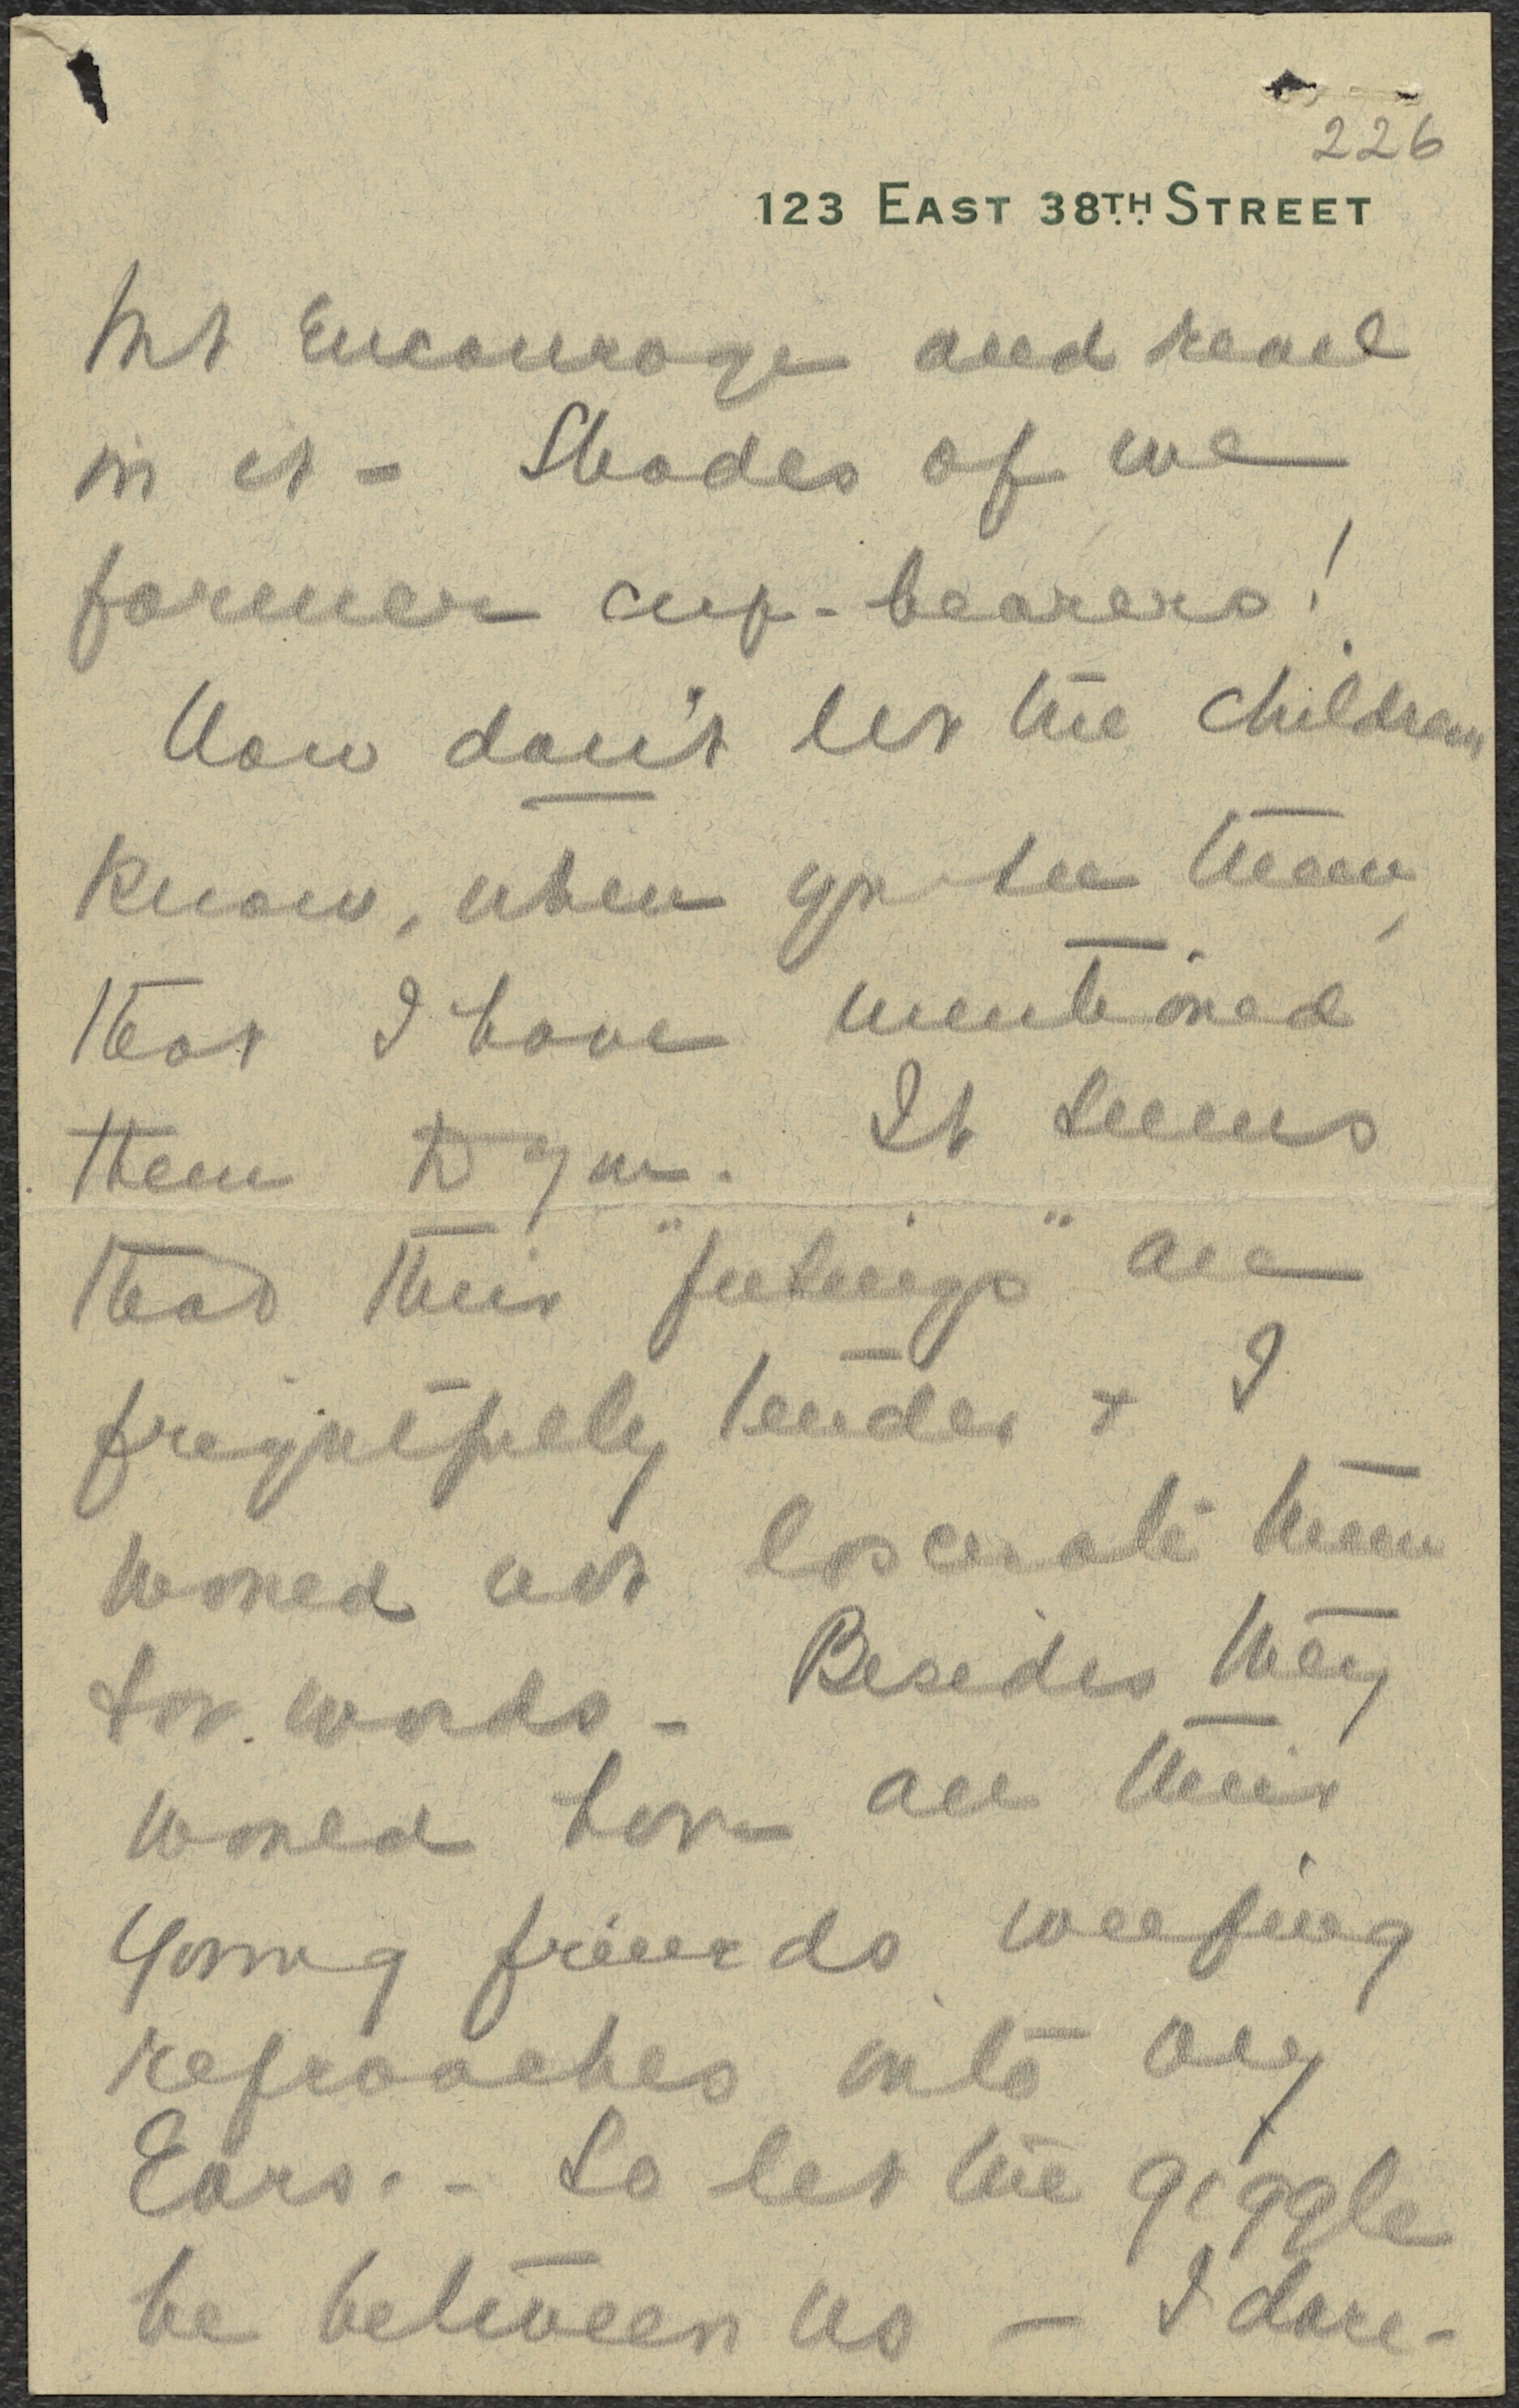but encourage and revel in it – Shades of we former cup-bearers!
Now don’t let the children know, when you see them, that I have I have mentioned them to you. It seems that their “feelings” are frequently tender & I would not lascerate [sic] them for words – Besides they would have all their young friends weeping reproaches into my ears. – So let the giggle be between us – I dare –